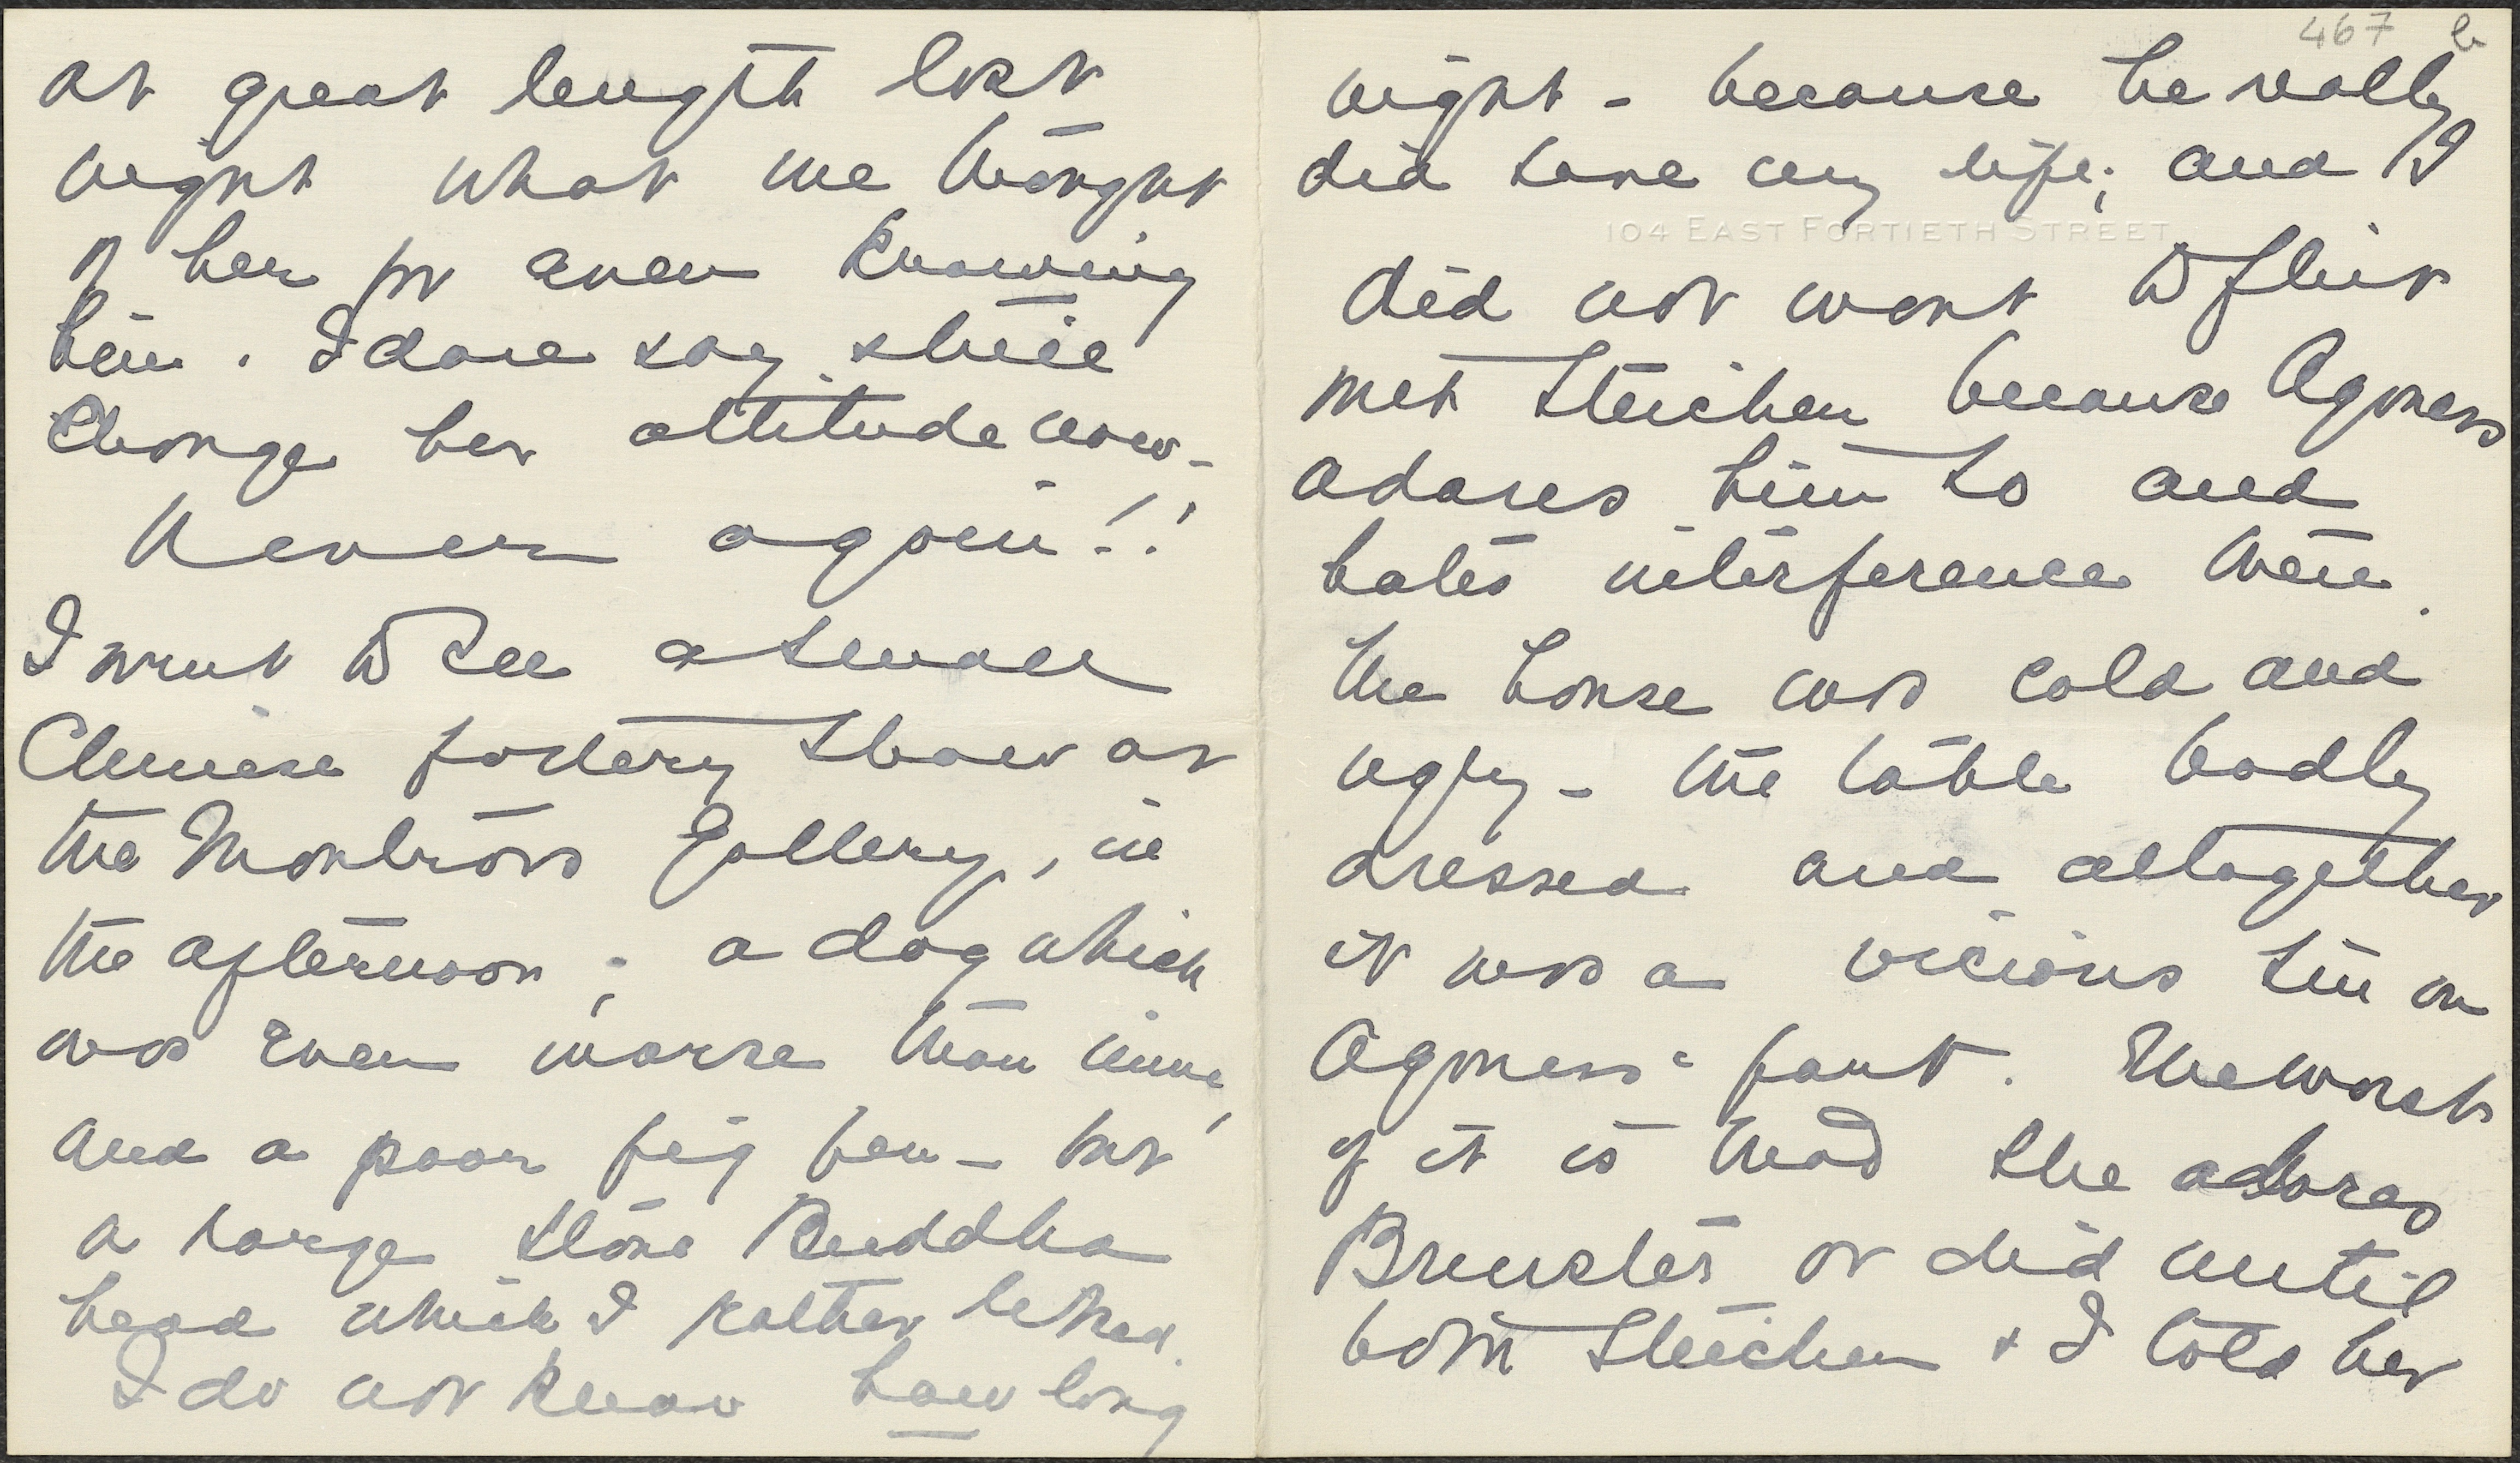night – because he really did save my life; and I did not want to flirt with Steichen because Agoness adores him so and hates interference there. The house was cold and ugly – the table badly dressed and altogether it was a vicious sin on Agoness’ part. The worst of it is that she adores Brewster or did until both Steichen & I told her
at great length last night what we thought of her for even knowing him. I dare say she’ll change her attitude now –
Never again!!
I went to see a small Chinese pottery show at the Montross Gallery, in the afternoon; a dog which was even worse than mine, and a poor pig pen – but a large stone Buddha head which I rather liked.
I do not know how long